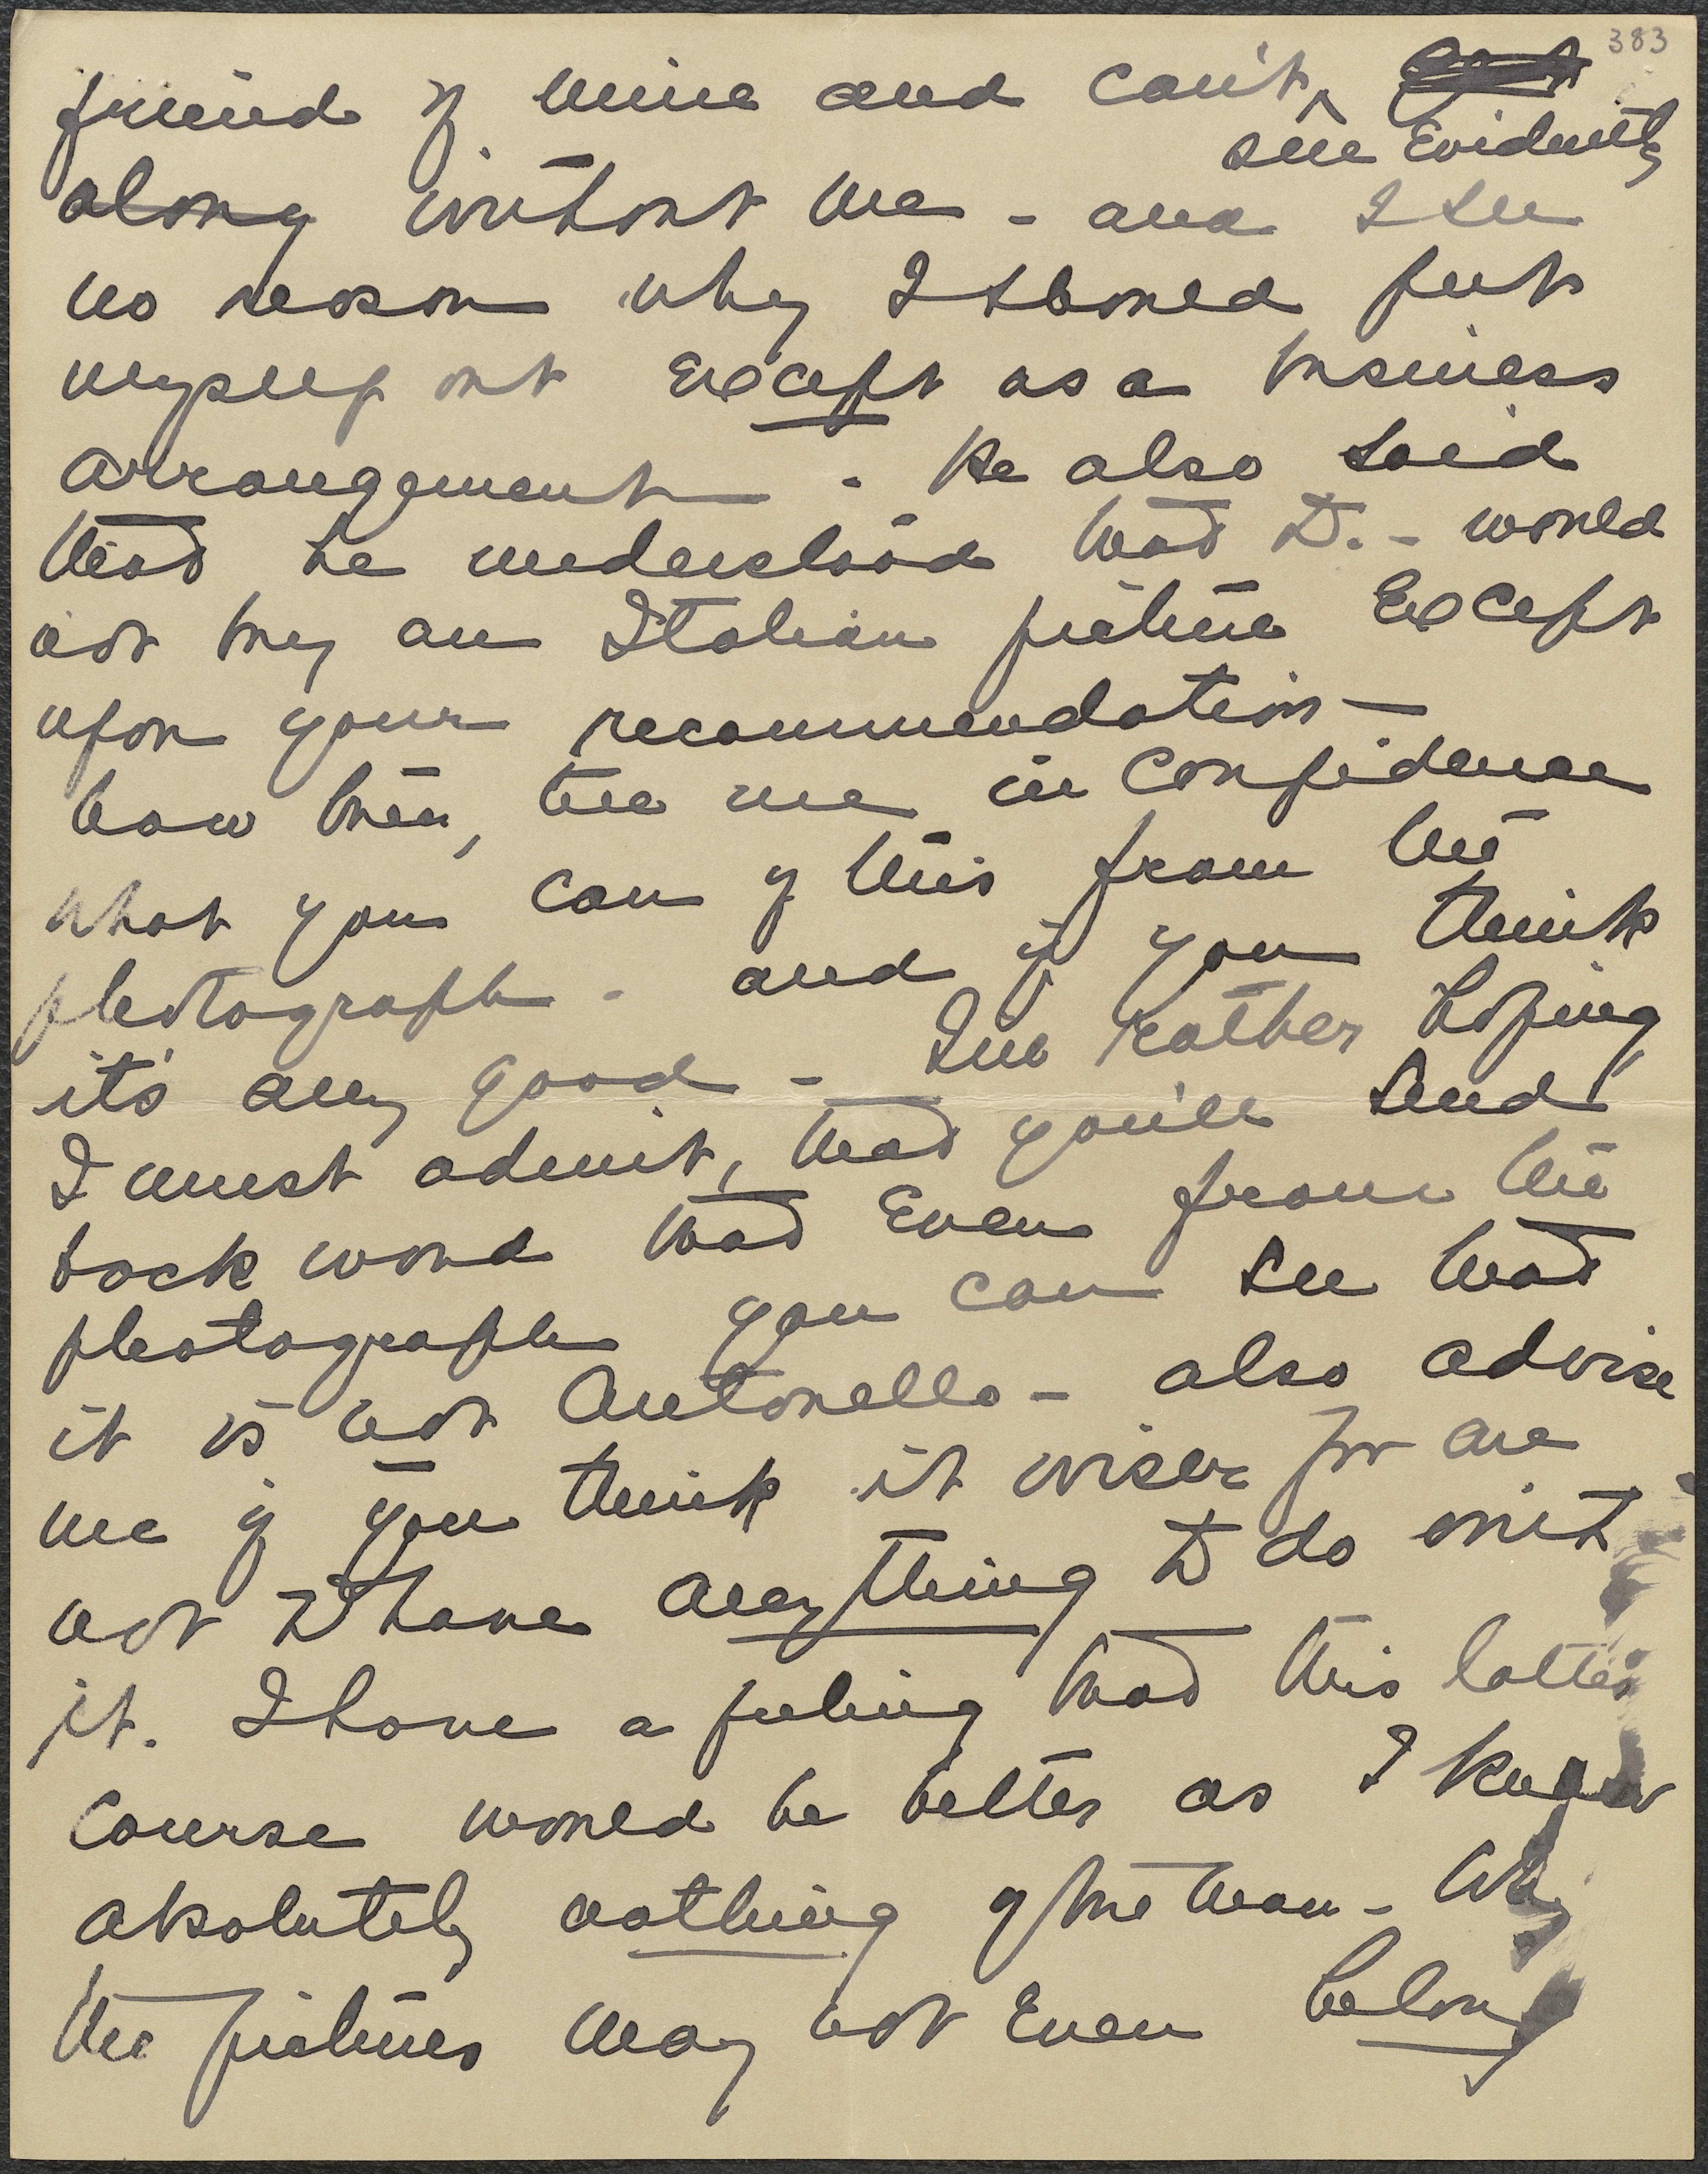friend of mine and can’t [^sell evidently^] get along without me – and I see no reason why I should put myself out except as a business arrangement. He also said that he understood that D. – would not buy an Italian picture except upon your recommendation – Now then, tell me in confidence what you can of this from the photograph – and if you think it’s any good – I’m rather hoping, I must admit, that you’ll send back word that even from the photograph you can see that it is not Antonello – also advise me if you think it wiser for me not to have anything to do with it. I have a feeling that this latter course would be better as I know absolutely nothing other than – why the pictures may not even belong